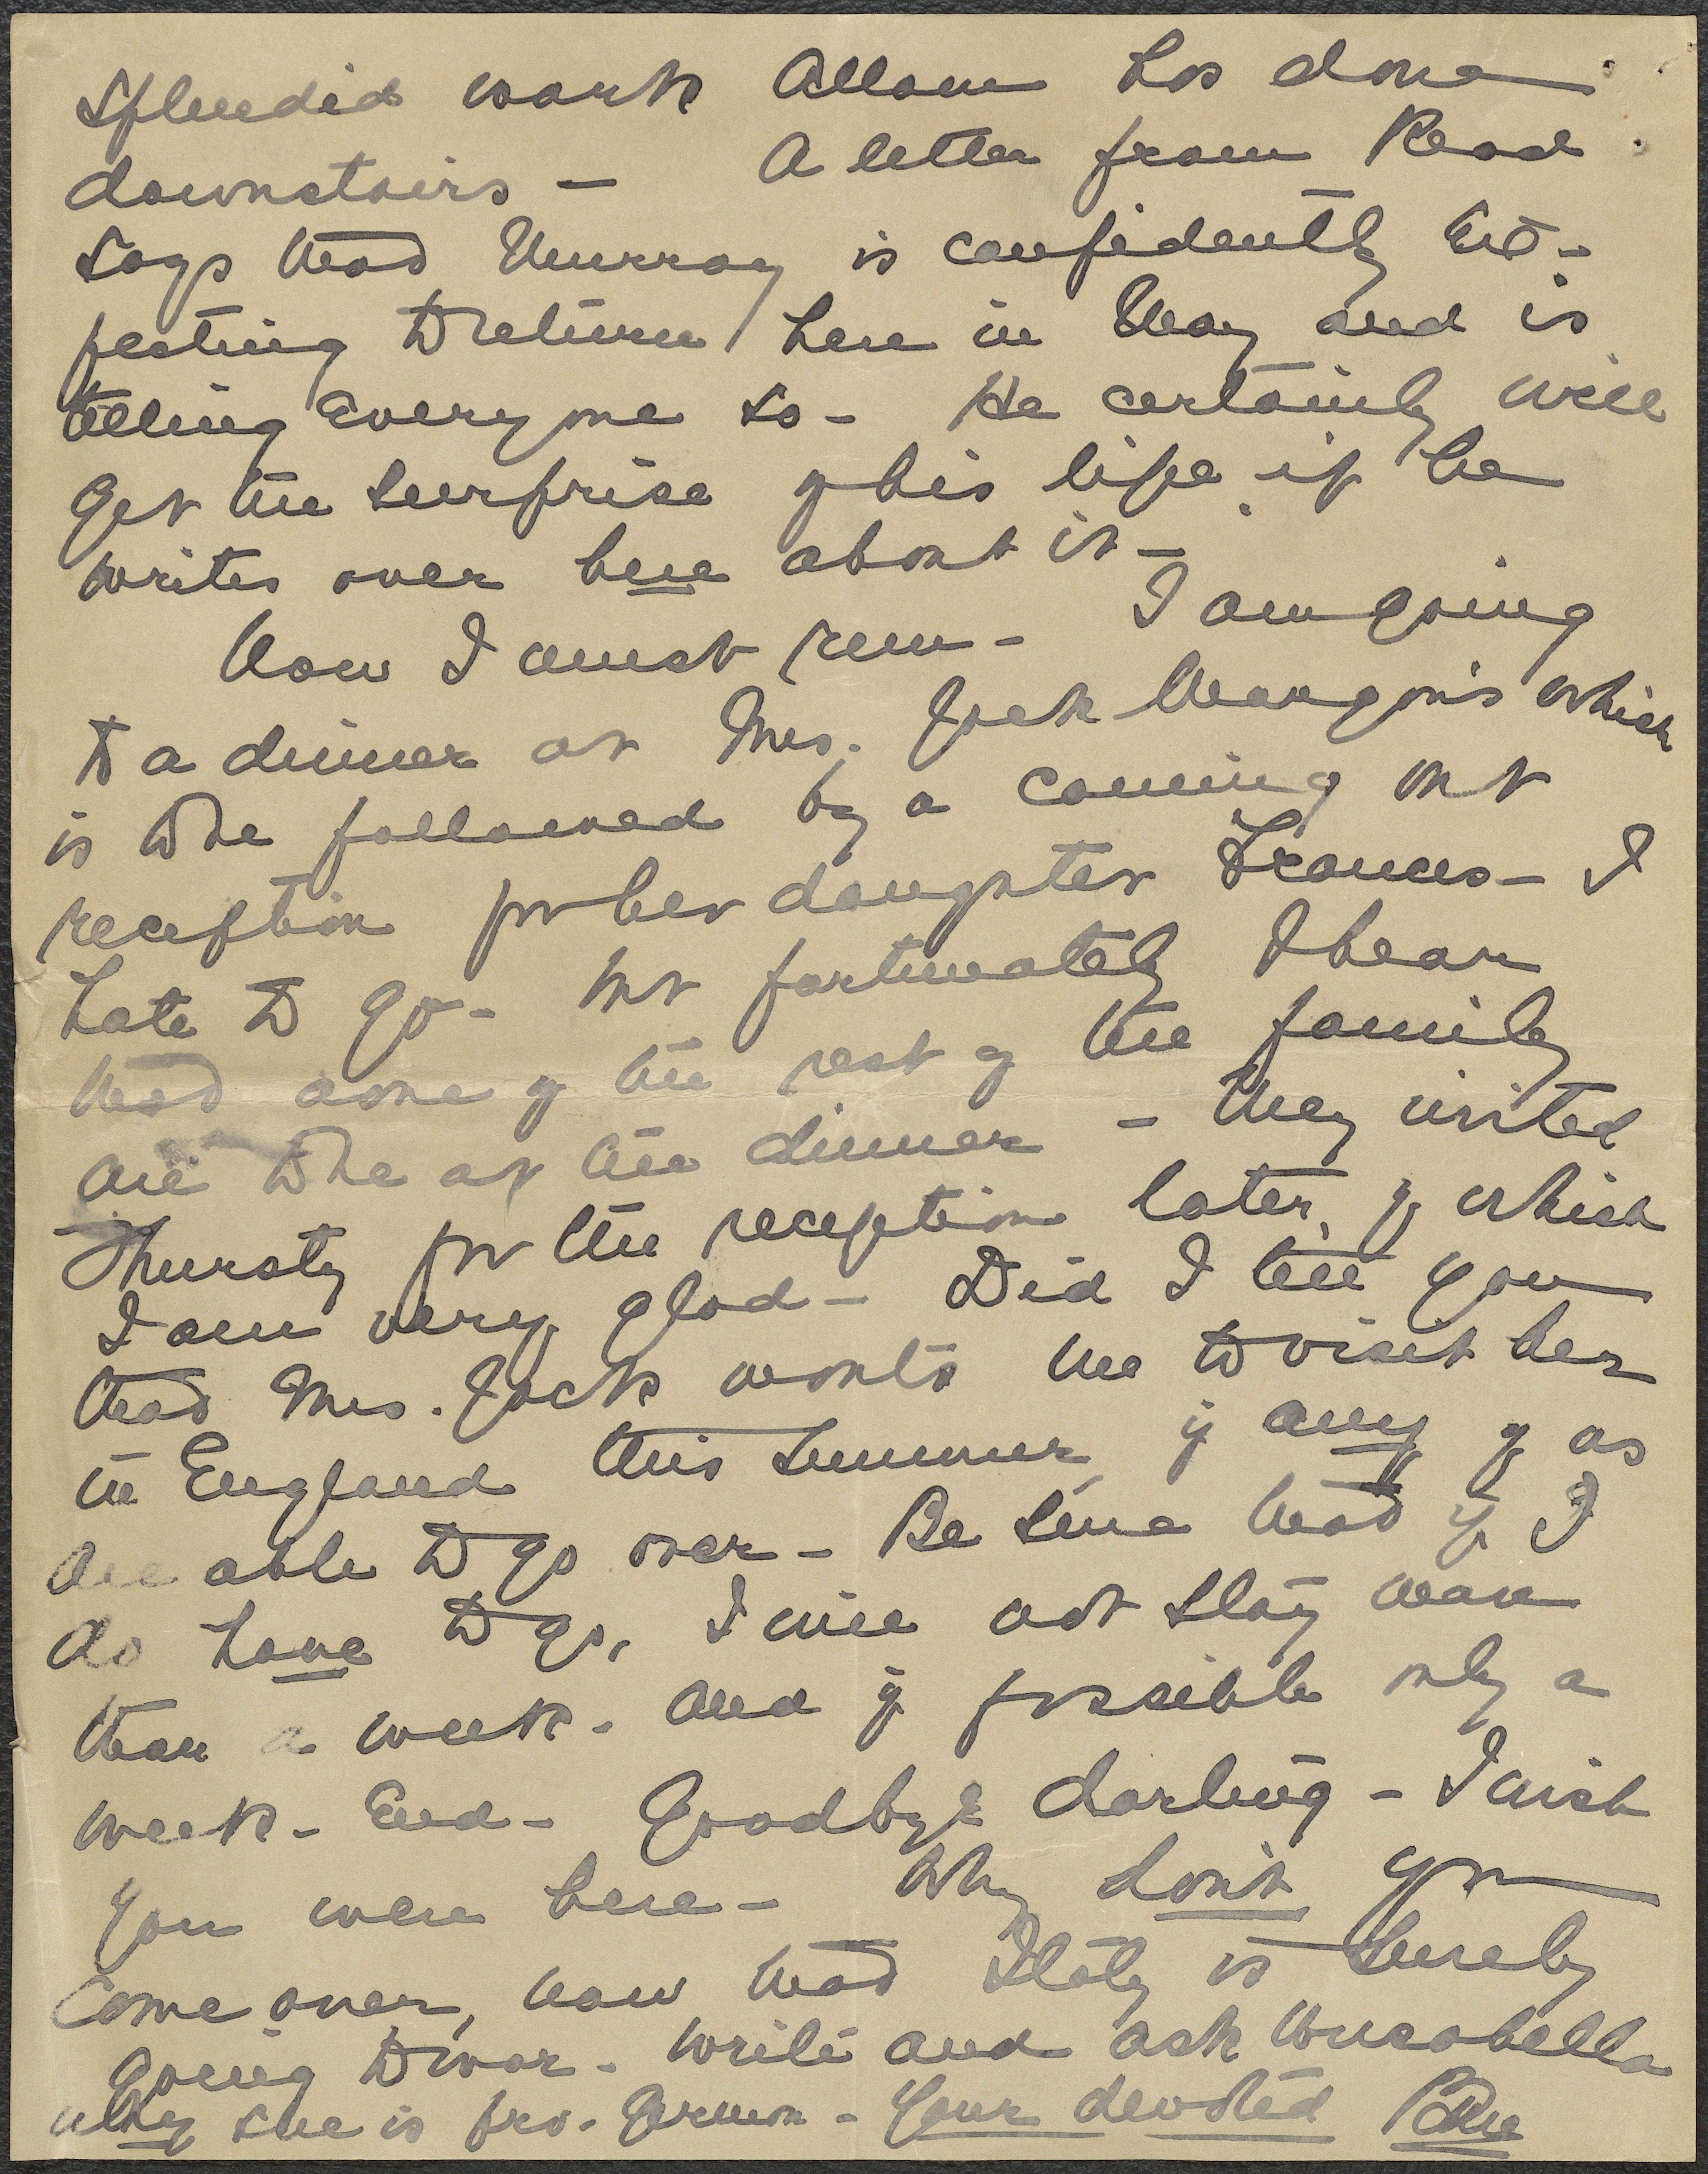splendid work Allom has done downstairs – A letter from Read says that Murray is confidently expecting to return here in May and is telling everyone so – He certainly will get the surprise of his life if he writes over here about it –
Now I must run – I am going to a dinner at Mrs. Jack Morgan’s which is to be followed by a coming out reception for her daughter Frances – I hate to go but fortunately I hear that some of the rest of the family are to be there at the dinner – they invited Thursty for the reception later, of which I am very glad – Did I tell you that Mrs. Jack wants me to visit her in England this summer if any of us are able to go over – Be sure that if I do have to go I will not stay more than a week – and if possible only a week-end – Goodbye darling – I wish you were here – why don’t you come over, now that Italy is surely going to war. Write and ask Wusabella why she is pro-German. Your devoted [double underlined: Belle]